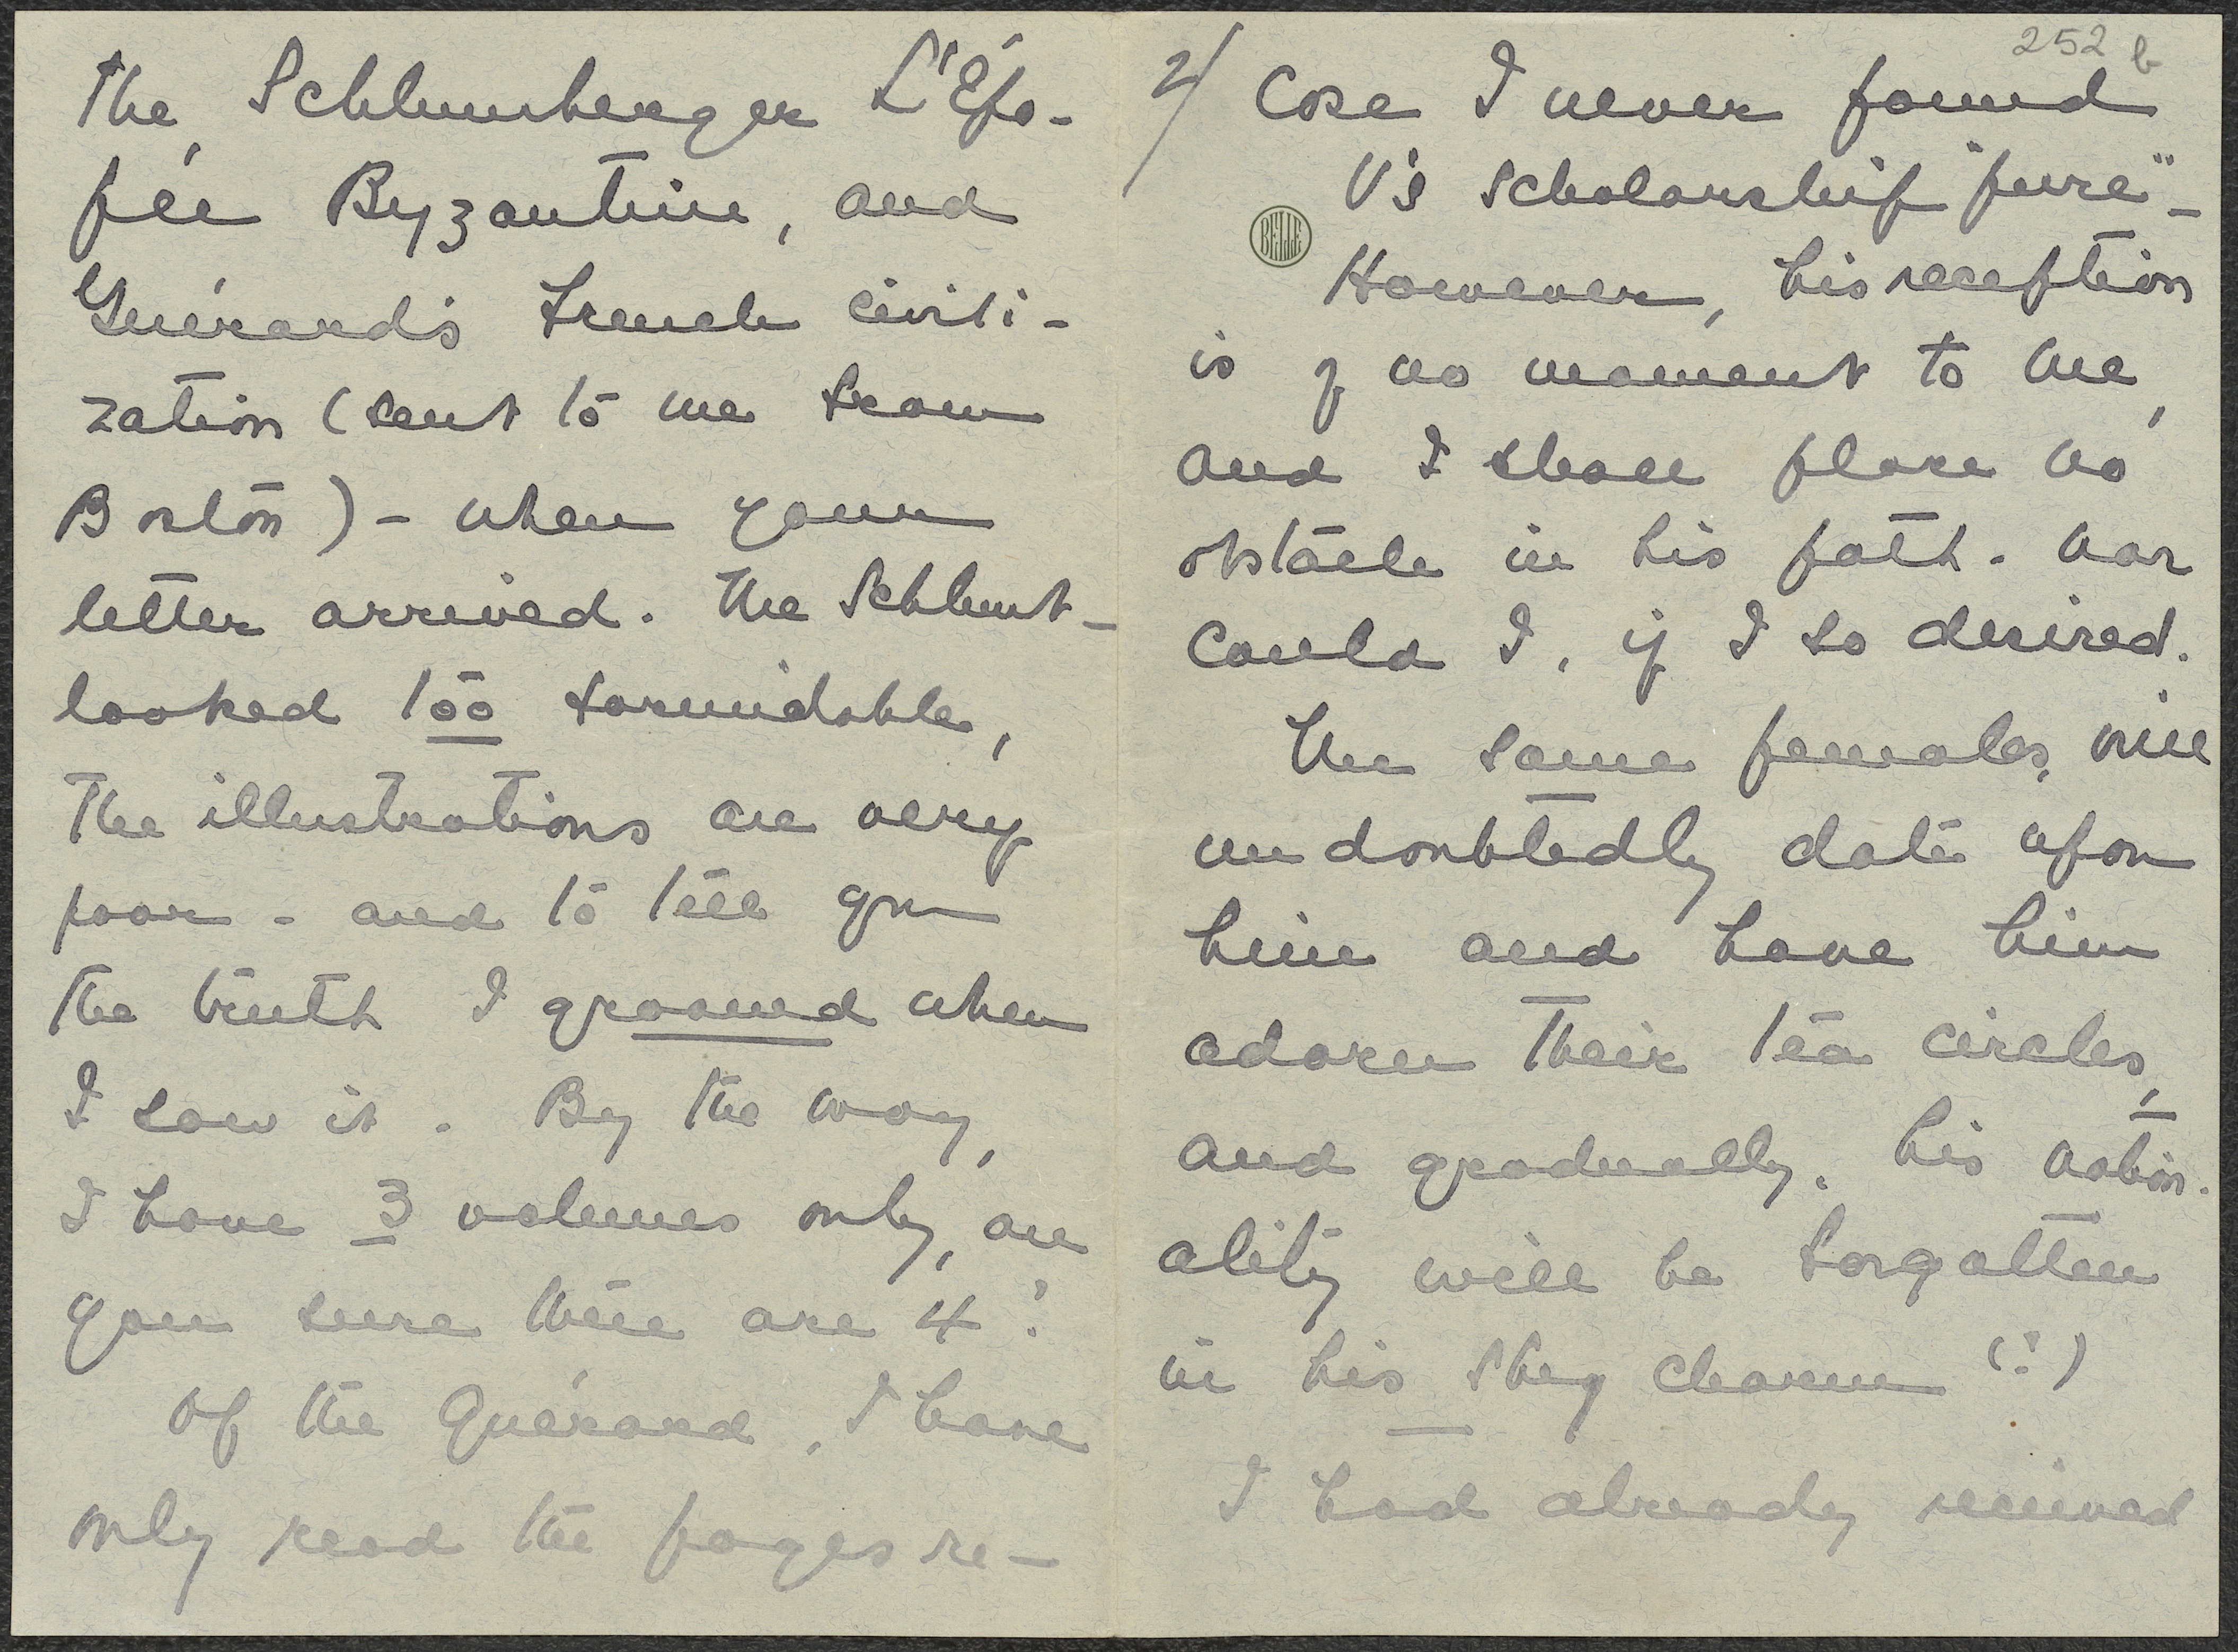2/
case I never found V’s scholarship “pure” – However, his reception is of no moment to me, and I shall plow no obstacle in his path – not could I, if I so desired.
The same females will undoubtedly dote upon him and have him adore their tea circles, and gradually, his nationality will be forgotten in his shy charm (?)
I had already received
the Schlumberger L’Épopée Byzantine, and Guérard’s French civilization (sent to me from Boston) – when your letter arrived. The Schlumb – looked too formidable,
The illustrations are very poor – and to tell you the truth I groaned when I saw it – By the way, I have 3 volumes only, are you sure there are 4?
Of the Guérard, I have only read the pages referring